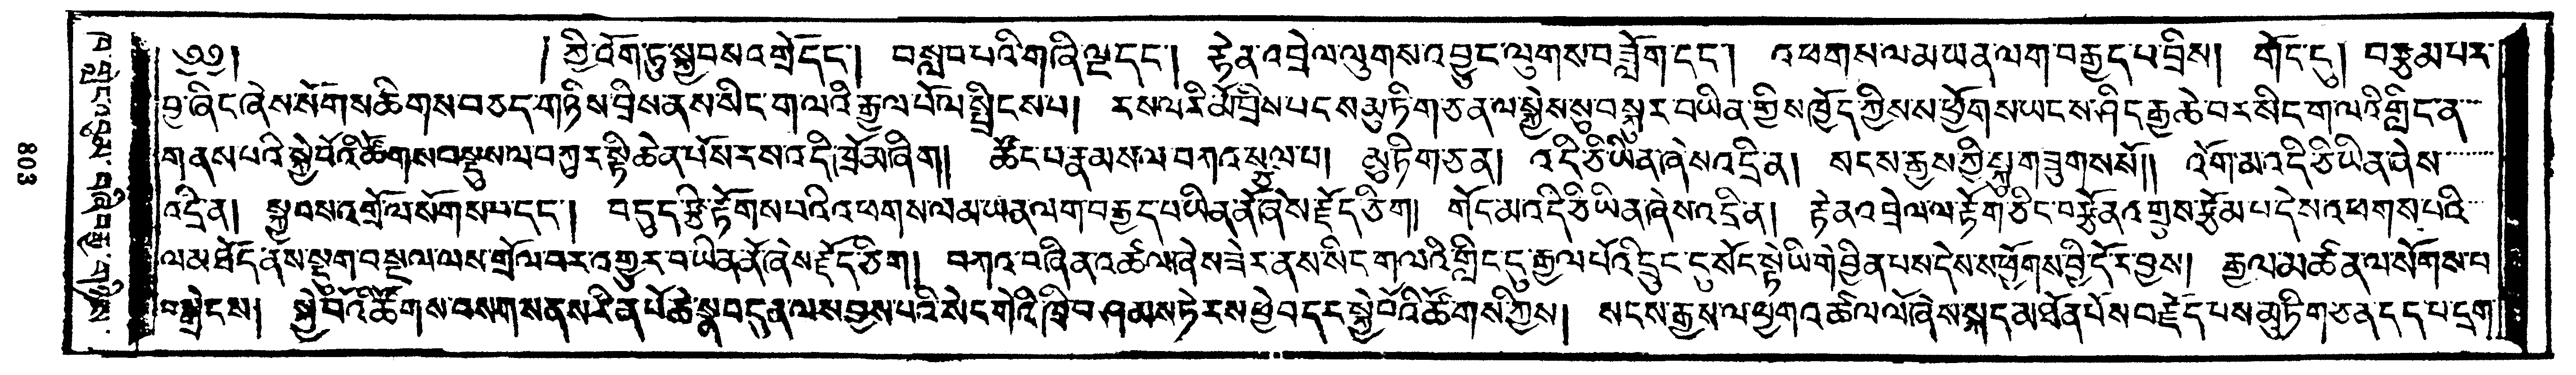༄༅། །ཀྱི་འོག་ཏུ་སྐྱབས་འགྲོ་དང་། བསླབ་པའི་གཞི་ལྔ་དང་། རྟེན་འབྲེལ་ལུགས་འབྱུང་ལུགས་བཟློག་དང་། འཕགས་ལམ་ཡན་ལག་བརྒྱད་པ་བྲིས། གོང་དུ། བརྩམ་པར་
བྱ་ཞིང་ཞེས་སོགས་ཆིགས་བཅད་གཉིས་བྲིས་ནས་སིང་ག་ལའི་རྒྱལ་པོ་ལ་སྤྲིངས་པ། རས་ལ་རི་མོ་བྲིས་པ་ངས་མུ་ཏིག་ཅན་ལ་སྐྱེས་སུ་བསྐུར་བ་ཡིན་གྱིས་ཁྱོད་ཀྱིས་ས་ཕྱོགས་ཡངས་ཤིང་རྒྱ་ཆེ་བར་སིང་ག་ལའི་གླིང་ན་
གནས་པའི་སྐྱེ་བོའི་ཚོགས་བསྡུས་ལ་བཀུར་སྟི་ཆེན་པོས་རས་འདི་ཁྲོམ་ཞིག། ཚོང་པ་རྣམས་ལ་བཀའ་སྩལ་པ། མུ་ཏིག་ཅན། འདི་ཅི་ཡིན་ཞེས་འདྲི་ན། སངས་རྒྱས་ཀྱི་སྐུ་གཟུགས་སོ།། འོག་མ་འདི་ཅི་ཡིན་ཞེས་
འདྲི་ན། སྐྱབས་འགྲོ་ལ་སོགས་པ་དང་། བདུད་རྩི་རྟོགས་པའི་འཕགས་ལམ་ཡན་ལག་བརྒྱད་པ་ཡིན་ནོ་ཞེས་རྗོད་ཅིག། གོང་མ་འདི་ཅི་ཡིན་ཞེས་འདྲི་ན། རྟེན་འབྲེལ་ལ་རྟོག་ཅིང་བརྩོན་འགྲུས་རྩོམ་པ་དེས་འཕགས་པའི་
ལམ་ཐོད་ནས་སྡུག་བསྔལ་ལས་གྲོལ་བར་འགྱུར་བ་ཡིན་ནོ་ཞེས་རྗོད་ཅིག། བཀའ་བཞིན་འཚལ་ཞེས་ཟེར་ནས་སིང་ག་ལའི་གླིང་དུ་རྒྱལ་པོའི་དྲུང་དུ་སོང་སྟེ་ཡི་གེ་བྱིན་པས་དེས་ས་ཕྱོགས་བྱི་དོར་བྱས། རྒྱལ་མཚན་ལ་སོགས་པ་
བསྒྲེངས། སྐྱེ་བོའི་ཚོགས་བསགས་ནས་རིན་པོ་ཆེ་སྣ་བདུན་ལས་བྱས་པའི་སེངྒེའི་ཁྲི་བཤམས་ཏེ་རས་ཕྱེ་བ་དང་སྐྱེ་བོའི་ཚོགས་ཀྱིས། སངས་རྒྱས་ལ་ཕྱག་འཚལ་ལོ་ཞེས་སྐད་མཐོན་པོས་བརྗོད་པས་མུ་ཏིག་ཅན་དད་པ་དྲག་